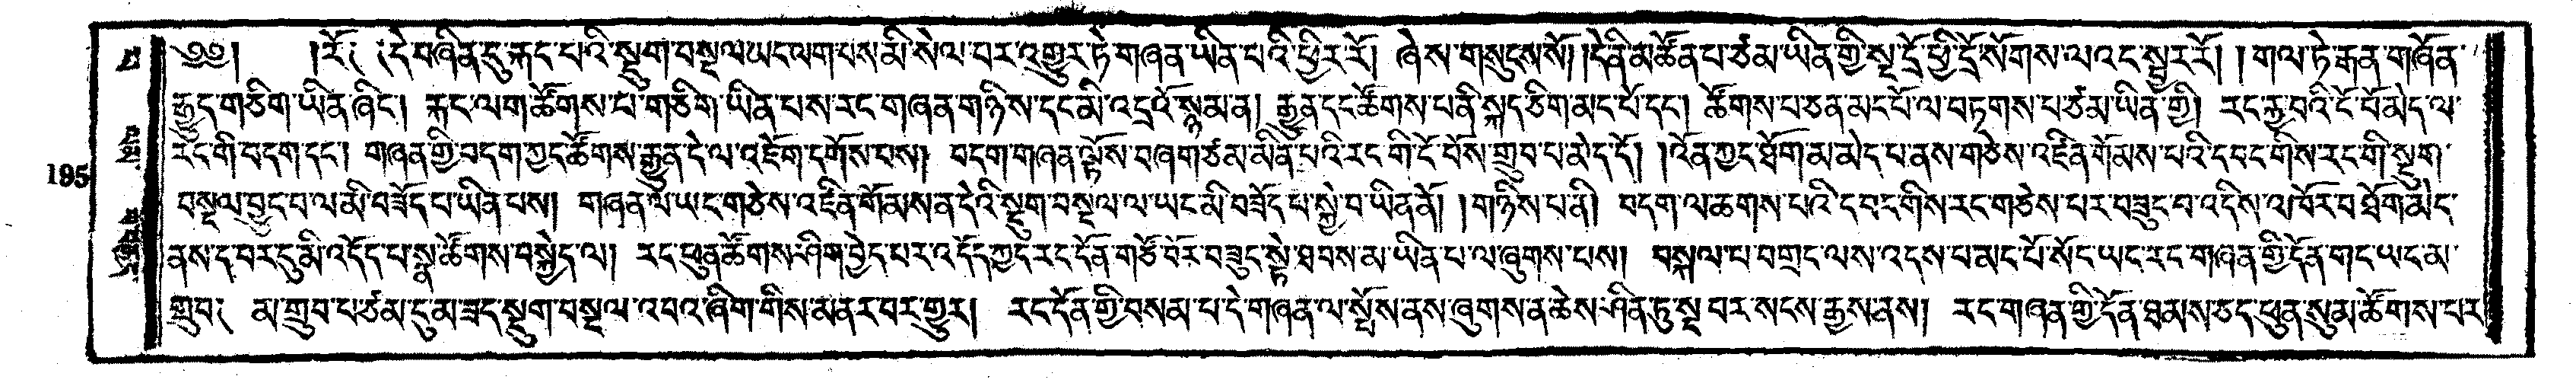༄༅། །རོ༑ ༑དེ་བཞིན་དུ་རྐང་པའི་སྡུག་བསྔལ་ཡང་ལག་པས་མི་སེལ་བར་འགྱུར་ཏེ་གཞན་ཡིན་པའི་ཕྱིར་རོ། ཞེས་གསུངས་སོ། །དེ་ནི་མཚོན་པ་ཙམ་ཡིན་གྱི་སྔ་དྲོ་ཕྱི་དྲོ་སོགས་ལའང་སྦྱར་རོ། །གལ་ཏེ་རྒན་གཞོན་
རྒྱུད་གཅིག་ཡིན་ཞིང་། རྐང་ལག་ཚོགས་པ་གཅིག་ཡིན་པས་རང་གཞན་གཉིས་དང་མི་འདྲའོ་སྙམ་ན། རྒྱུན་དང་ཚོགས་པ་ནི་སྐད་ཅིག་མང་པོ་དང་། ཚོགས་པ་ཅན་མང་པོ་ལ་བཏགས་པ་ཙམ་ཡིན་གྱི། རང་རྐྱ་བའི་ངོ་བོ་མེད་ལ་
རང་གི་བདག་དང་། གཞན་གྱི་བདག་ཀྱང་ཚོགས་རྒྱུན་དེ་ལ་འཇོག་དགོས་པས། བདག་གཞན་ལྟོས་བཞག་ཙམ་མིན་པའི་རང་གི་ངོ་བོས་གྲུབ་པ་མེད་དོ། །འོན་ཀྱང་ཐོག་མ་མེད་པ་ནས་གཅེས་འཛིན་གོམས་པའི་དབང་གིས་རང་གི་སྡུག་
བསྔལ་བྱུང་བ་ལ་མི་བཟོད་པ་ཡིན་པས། གཞན་ལ་ཡང་གཅེས་འཛིན་གོམས་ན་དེའི་སྡུག་བསྔལ་ལ་ཡང་མི་བཟོད་པ་སྐྱེ་བ་ཡིན་ནོ། །གཉིས་པ་ནི། བདག་ལ་ཆགས་པའི་དབང་གིས་རང་གཅེས་པར་བཟུང་བ་འདིས་འཁོར་བ་ཐོག་མེད་
ནས་ད་བར་དུ་མི་འདོད་པ་སྣ་ཚོགས་བསྐྱེད་ལ། རང་ཕུན་ཚོགས་ཤིག་བྱེད་པར་འདོད་ཀྱང་རང་དོན་གཙོ་བོར་བཟུང་སྟེ་ཐབས་མ་ཡིན་པ་ལ་ཞུགས་པས། བསྐལ་པ་བགྲང་ལས་འདས་པ་མང་པོ་སོང་ཡང་རང་གཞན་གྱི་དོན་གང་ཡང་མ་
གྲུབ༑ མ་གྲུབ་པ་ཙམ་དུ་མ་ཟད་སྡུག་བསྔལ་འབའ་ཞིག་གིས་མནར་བར་གྱུར། རང་དོན་གྱི་བསམ་པ་དེ་གཞན་ལ་སྤོས་ནས་ཞུགས་ན་ཆེས་ཤིན་ཏུ་སྔ་བར་སངས་རྒྱས་ནས། རང་གཞན་གྱི་དོན་ཐམས་ཅད་ཕུན་སུམ་ཚོགས་པར་